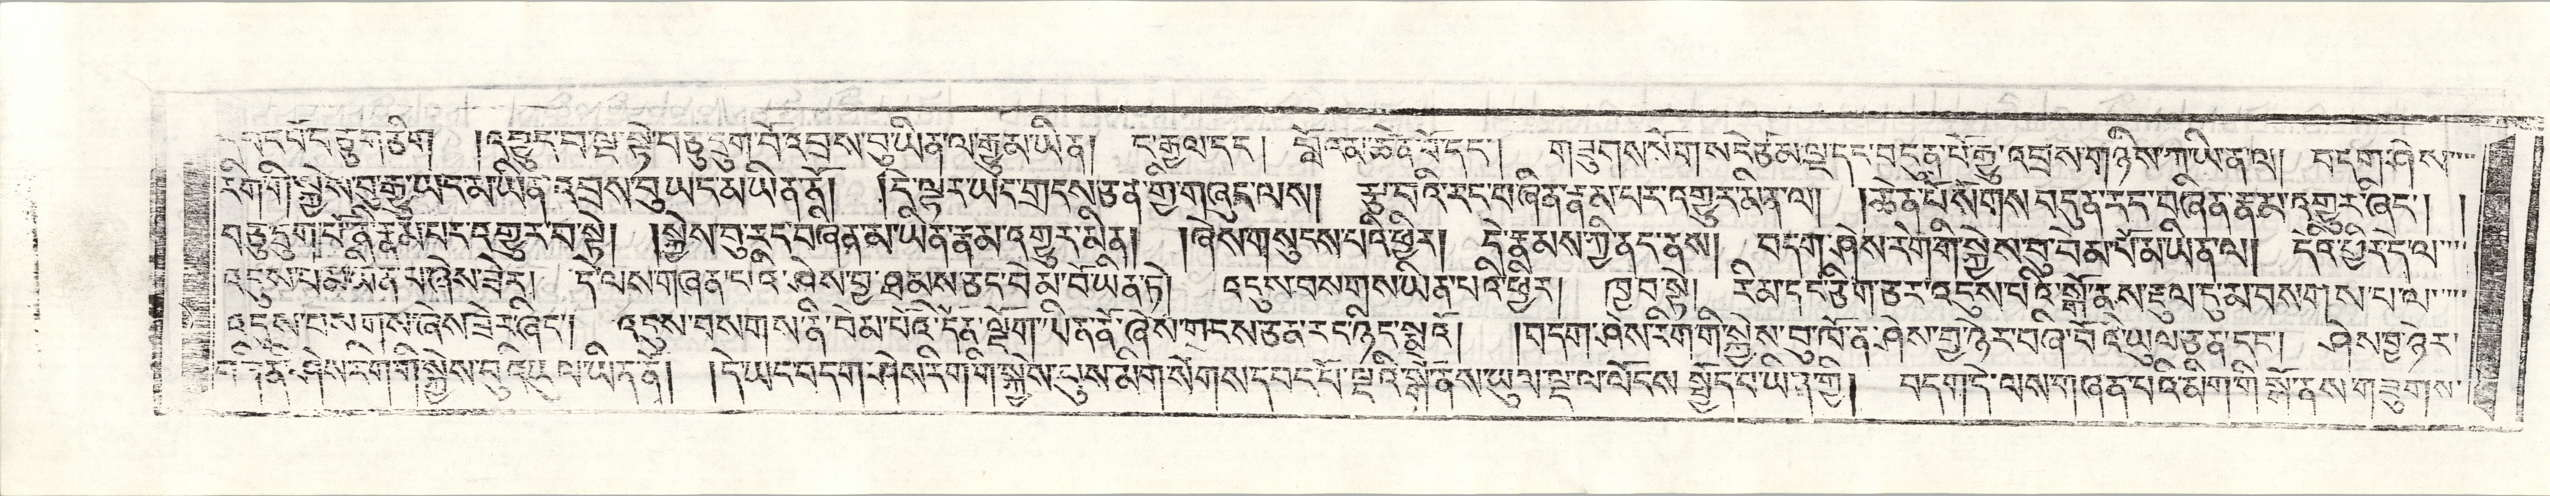དབང་བོ་བཅུ་གཅིག །འབྱུང་བ་ལྔ་སྟེ་བཅུ་དྲུག་པོ་འབྲས་བུ་ཡིན་ལ་རྒྱུ་མ་ཡིན། ང་རྒྱལ་དང་། བློའམ་ཆེན་པོ་དང་། གཟུགས་སོགས་དེ་ཙམ་ལྔ་དང་བདུན་པོ་རྒྱུ་འབྲས་གཉིས་ཀ་ཡིན་ལ། བདག་ཤེས་
རིག་གི་སྐྱེས་བུ་རྒྱུ་ཡང་མ་ཡིན་འབྲས་བུ་ཡང་མ་ཡིན་ནོ། །དེ་ལྟར་ཡང་གྲངས་ཅན་གྱི་གཞུང་ལས། རྩ་བའི་རང་བཞིན་རྣམ་པར་འགྱུར་མིན་ལ། །ཆེན་པོ་སོགས་བདུན་རང་བཞིན་རྣམ་འགྱུར་ཞིང་།
བཅུ་དྲུག་པོ་ནི་རྣམ་པར་འགྱུར་བ་སྟེ། །སྐྱེས་བུ་རང་བཞིན་མ་ཡིན་རྣམ་འགྱུར་མིན། །ཞེས་གསུངས་པའི་ཕྱིར། དེ་རྣམས་ཀྱི་ནང་ནས། བདག་ཤེས་རིག་གི་སྐྱེས་བུ་བེམ་པོ་མ་ཡིན་ལ། དེའི་ཕྱིར་དེ་ལ་
འདུས་པ་མ་ཡིན་པ་ཞེས་ཟེར། དེ་ལས་གཞན་པའི་ཤེས་བྱ་ཐམས་ཅད་བེམ་པོ་ཡིན་ཏེ། འདུས་བསགས་ཡིན་པའི་ཕྱིར། ཁྱབ་སྟེ། རིམ་དང་ཅིག་ཅར་འདུས་པའི་སྒོ་ནས་རྡུལ་དུ་མ་བསགས་པ་ལ་
འདུས་བསགས་ཞེས་ཟེར་ཞིང་། འདུས་བསགས་ནི་བེམ་པོའི་དོན་ལྡོག་ཡིན་ནོ་ཞེས་གྲངས་ཅན་པ་རང་ཉིད་སྨྲའོ། །བདག་ཤེས་རིག་གི་སྐྱེས་བུ་ཁོ་ན་ཤེས་བྱ་ཉེར་བཞི་བོའི་ཡུལ་ཅན་དང་། ཤེས་བྱ་ཉེར་
བཞི་ནི་ཤེས་རིག་གི་སྐྱེས་བུའི་ཡུལ་ཡིན་ནོ། །དེ་ཡང་བདག་ཤེས་རིག་གི་སྐྱེས་བུས་མིག་སོགས་དབང་བོ་ལྔའི་སྒོ་ནས་ཡུལ་ལྔ་ལ་ལོངས་སྤྱོད་པ་ཡིན་གྱི། བདག་དེ་ལས་གཞན་པའི་མིག་གི་སྒོ་ནས་གཟུགས་